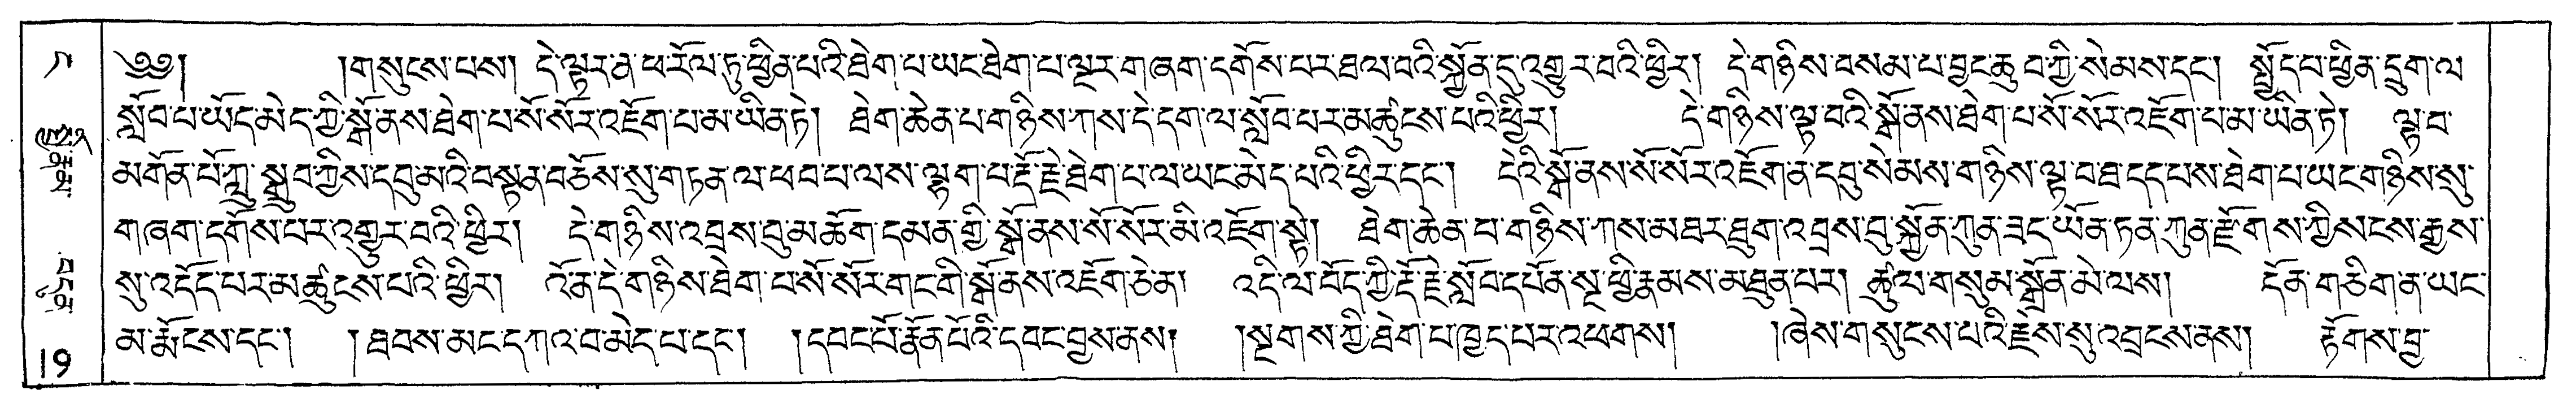༄༅། །གསུངས་པས། དེ་ལྟར་ན་ཕ་རོལ་ཏུ་ཕྱིན་པའི་ཐེག་པ་ཡང་ཐེག་པ་ལྔར་གཞག་དགོས་པར་ཐལ་བའི་སྐྱོན་དུ་འགྱུར་བའི་ཕྱིར། དེ་གཉིས་བསམ་པ་བྱང་ཆུབ་ཀྱི་སེམས་དང་། སྤྱོད་པ་ཕྱིན་དྲུག་ལ་
སློབ་པ་ཡོད་མེད་ཀྱི་སྒོ་ནས་ཐེག་པ་སོ་སོར་འཇོག་པ་མ་ཡིན་ཏེ། ཐེག་ཆེན་པ་གཉིས་ཀས་དེ་དག་ལ་སློབ་པར་མཚུངས་པའི་ཕྱིར། དེ་གཉིས་ལྟ་བའི་སྒོ་ནས་ཐེག་པ་སོ་སོར་འཇོག་པ་མ་ཡིན་ཏེ། ལྟ་བ་
མགོན་པོ་ཀླུ་སྒྲུབ་ཀྱིས་དབུ་མའི་བསྟན་བཅོས་སུ་གཏན་ལ་ཕབ་པ་ལས་ལྷག་པ་རྡོ་རྗེ་ཐེག་པ་ལ་ཡང་མེད་པའི་ཕྱིར་དང་། དེའི་སྒོ་ནས་སོ་སོར་འཇོག་ན་དབུ་སེམས་གཉིས་ལྟ་བ་ཐ་དད་པས་ཐེག་པ་ཡང་གཉིས་སུ་
གཞག་དགོས་པར་འགྱུར་བའི་ཕྱིར། དེ་གཉིས་འབྲས་བུ་མཆོག་དམན་གྱི་སྒོ་ནས་སོ་སོར་མི་འཇོག་སྟེ། ཐེག་ཆེན་པ་གཉིས་ཀས་མཐར་ཐུག་འབྲས་བུ་སྐྱོན་ཀུན་ཟད་ཡོན་ཏན་ཀུན་རྫོགས་ཀྱི་སངས་རྒྱས་
སུ་འདོད་པར་མཚུངས་པའི་ཕྱིར། འོ་ན་དེ་གཉིས་ཐེག་པ་སོ་སོར་གང་གི་སྒོ་ནས་འཇོག་ཅེ་ན། འདི་ལ་བོད་ཀྱི་རྡོ་རྗེ་སློབ་དཔོན་སྔ་ཕྱི་རྣམས་མཐུན་པར། ཚུལ་གསུམ་སྒྲོན་མེ་ལས། དོན་གཅིག་ན་ཡང་
མ་རྨོངས་དང་། །ཐབས་མང་དཀའ་བ་མེད་པ་དང་། །དབང་པོ་རྣོན་པོའི་དབང་བྱས་ནས། །སྔགས་ཀྱི་ཐེག་པ་ཁྱད་པར་འཕགས། །ཞེས་གསུངས་པའི་རྗེས་སུ་འབྲངས་ནས། རྟོགས་བྱ་